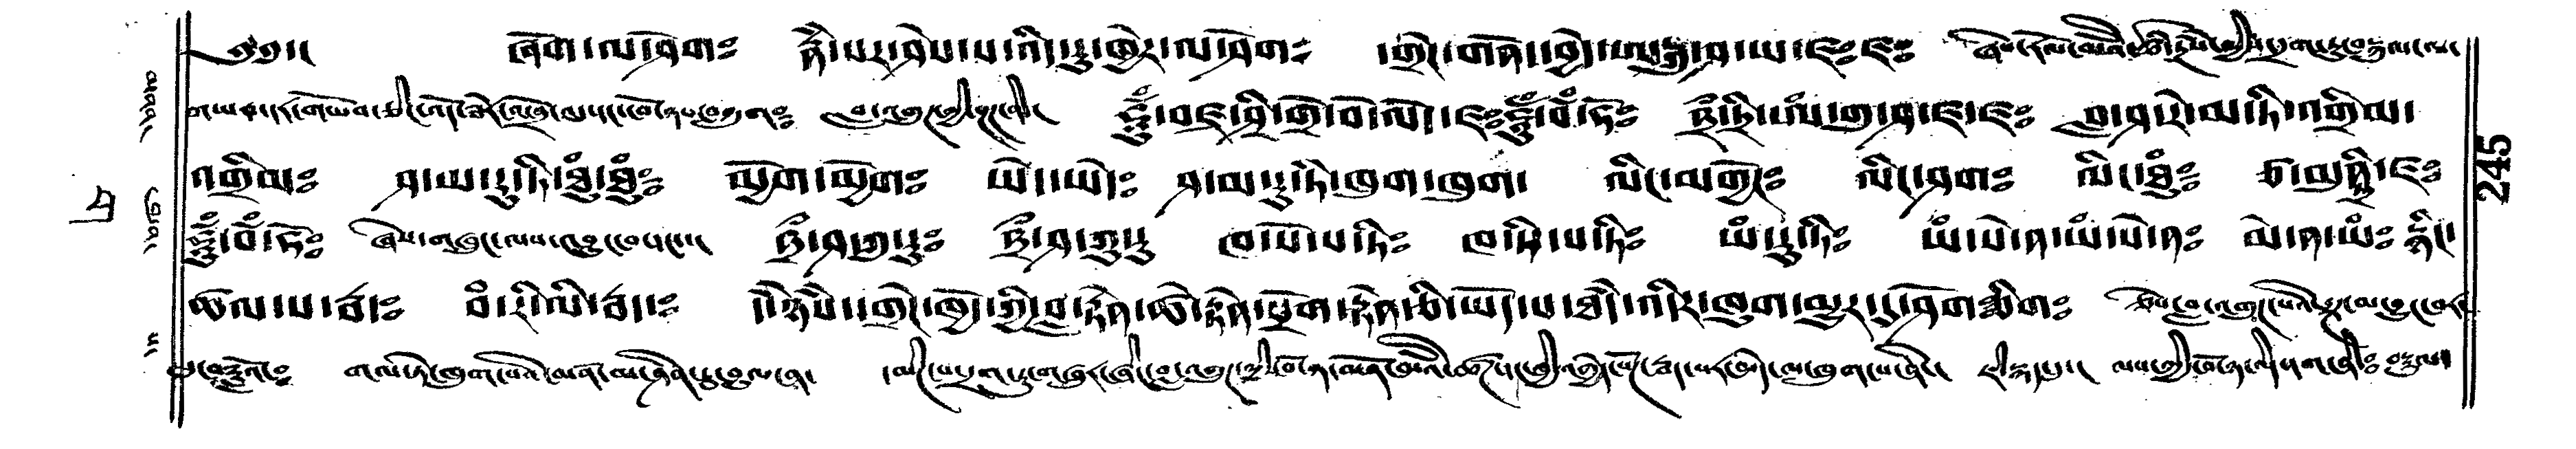ཞོག་ལ་ཤོགཿ རྣམ་པར་ཤེས་པ་འདི་རུ་ཁྱེར་ལ་ཤོགཿ དགྲ་བགེགས་གནོད་བྱེད་ཨངྐུ་ཤ་ཡ་ཛཿཛཿ ཞེས་རོལ་མོ་ཚམ་རྔམ་ཀྱིས་དྲག་ཏུ་བསྐུལ་ལ་
གཡབ་དར་གཡོབ་ཅིང་འོད་ཟེར་འཕྲོ་འདུ་དང་ཕོ་ཉས་བཀུག༔ བླ་འགུགས་ཀྱི་སྔགས་ནི། ཧཱུྃ་བཛྲ་ཤྲི་གྲོ་བོ་ལོད་ཛཿཧཱུྃ་བྃ་ཧོཿ ནྲྀ་ཏྲི་ཨཾ་གུ་ཤ་ཛ་ཛཿ བླ་ཤ་རེ་མ་ཏི་འགྲིམ་
འགྲིམཿ ཤ་མ་རུ་ཏི་ཐུཾ་ཐུཾཿ མྱོག་མྱོགཿ ཡེད་ཡེདཿ ཤ་མ་རུ་ཏི་ཁུག་ཁུགཿ ལིང་མགྱོགསཿ ལིང་ཤགཿ ལིང་ཐུཾ༔ ཙ་མུནྟྲི་ཛཿ
ཧཱུྃ་བྃ་ཧོཿ ཞེས་གཞུང་ལས་འབྱུང་བ་དང་། ཧྲྀ་ཤ་ཀུ་རུ་ཁ་སོ་པ་ཏིཿ ཁ་ཏི་པ་ཏིཿ ཡཾ་རུ་ཏིཿ ཡཾ་སེ་ན་ཡཾ་སེ་ནཿ མེ་ན་ཡཾཿ སྙིང་
ཚལ་ས་རྦདཿ བཾ་རི་ལི་རྦདཿ དམ་ཉམས་དགྲ་བགེགས་ཁྱོད་ཀྱི་བླ་རྟེན་ཚེ་རྟེན་སྲོག་རྟེན་ཅི་ཡོད་པ་ཐམས་ཅད་འདིར་ཁུག་མྱུར་དུ་ཤོག་ཅིགཿ ཅེས་བླ་འགུགས་པའི་རྟགས་མ་བྱུང་བར་
དུ་བཟླའོཿ གལ་ཏེ་ཁུགས་པའི་མཚན་མ་ཤིན་ཏུ་ཐལ་ན། དམིགས་པ་དྲག་ཏུ་གཞུར་ཞིང་བླ་འགུགས་ཀྱི་ཕོ་ཉ་མོན་མོའི་ཚོགས་དང་ཁྱི་འགྱེད་སོགས་རྦད་པ་མེད་པར་ཁུག་པ་ནི། ཇི་སྐད་དུ། ལས་ཀྱི་ཕོ་ཉ་འདི་དག་ནིཿ བསྐུལ་